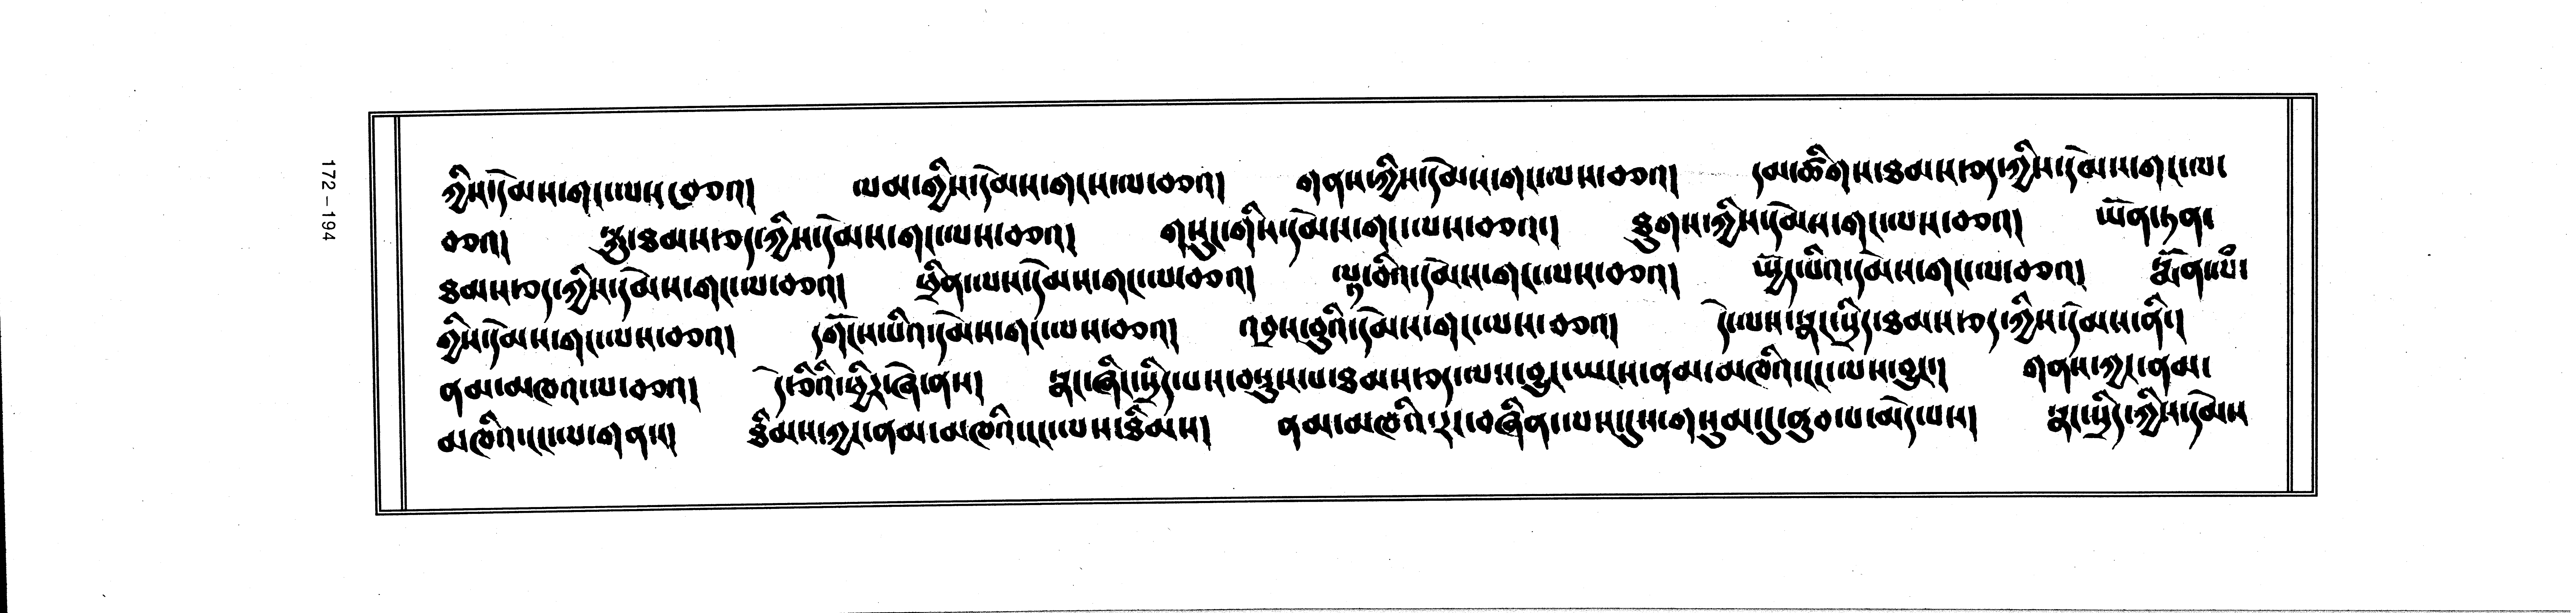ཀྱིས་དེམ་གང་ལ་བཅའ། ལམ་གྱིས་དེམ་གང་ལ་བཅའ། གནས་ཀྱིས་དེམ་གང་ལས་བཅའ། དམ་ཚིགས་ཐམས་ཅད་ཀྱིས་དེམ་གང་ལ་
བཅའ། སྐུ་ཐམས་ཅད་ཀྱིས་དེམ་གང་ལས་བཅའ། གསུང་གིས་དེམ་གང་ལས་བཅའ། ཐུགས་ཀྱིས་དེམ་གང་ལས་བཅའ། ཡོན་ཏན་
ཐམས་ཅད་ཀྱིས་དེམ་གང་ལ་བཅའ། ཕྲིན་ལས་དེམ་གང་ལ་བཅའ། ལྟ་བའི་དེམ་གང་ལས་བཅའ། སྤྱོད་པའི་དེམ་གང་ལ་བཅའ། སྨོན་ལམ་
གྱིས་དེམ་གང་ལས་བཅའ། དགོངས་པའི་དེམ་གང་ལས་བཅའ། འབྲས་བུའི་དེམ་གང་ལས་བཅའ། དེ་ལས་སྣང་སྲིད་ཐམས་ཅད་ཀྱིས་དེམ་ནི། 
ནམ་མཁའ་ལ་བཅའ། དེ་ཅིའི་ཕྱིར་ཞེ་ནས། སྣང་ཞིང་སྲིད་པས་བསྡུས་པ་ཐམས་ཅད་ལས་བྱུང་ཡངས་ནམ་མཁའི་ངང་ལས་བྱུང་། གནས་ཀྱང་ནམ་
མཁའི་ངང་ལ་གནས། ཐིམས་ཀྱང་ནམ་མཁའི་ངང་ལས་ཐིམས། ནམ་མཁའི་རང་བཞིན་ལས་དུས་གསུམ་དུ་ནུབ་པ་མེད་པས། སྣང་སྲིད་ཀྱིས་དེམ་